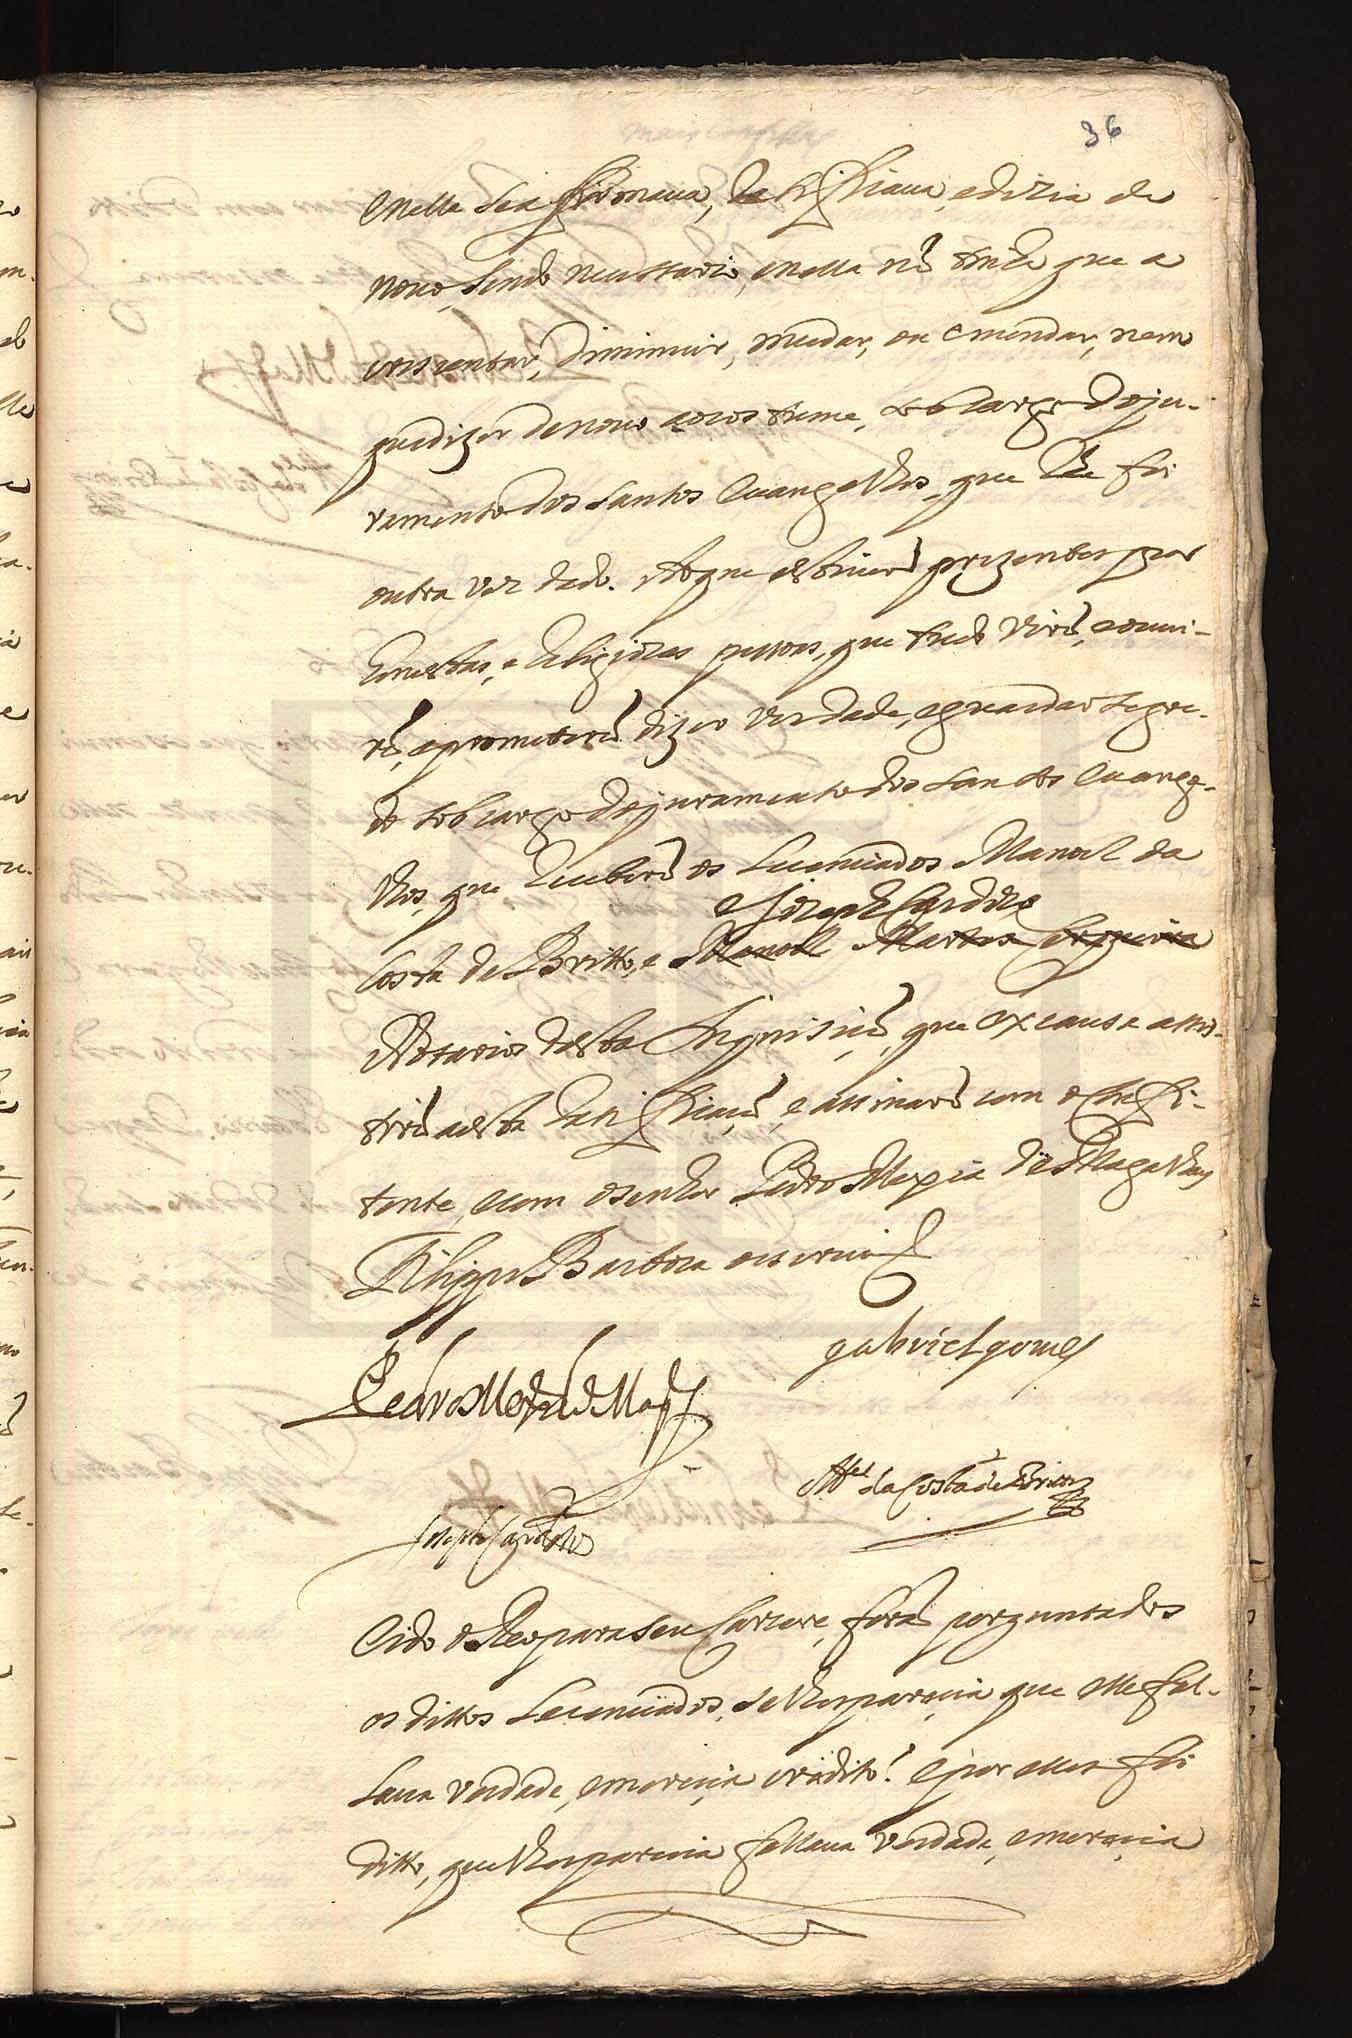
e nella se affirmaua, Ratificaua, e dizia de
nouo sendo necessario, e nella nā tinha que a
crescentar, diminuir, mudar, ou emendar, nem
que dizer de nouo ao costume sob cargo do ju
ramento dos santos euangelhos, que lhe foi
outra vez dado. Ao que estiuerā prezentes por
honestas, e Religiozas pessoas, que tudo virā, e ouui
rā, e prometerā dizer verdade, e guardar segre
do sob cargo do juramento dos santos euange
lhos, que Receberā os Lecenciados Manoel da
Costa de Britto, e Jozeph Cardozo
Notarios desta Inquisiçā, que ex causa assis
tirā a esta Ratificaçā, e assinarā com o Confi
tente, e com o senhor Pedro Mexia de Magalhaes
Filippe Barbosa o escreui
gabriel gomes
Pedro Mex̄ de Mages
Mel da Costa de Britto
Joseph Cardoso
E ido o Reo para seu Carcere, forā perguntados
os dittos Lecenciados se lhes parecia que elle fal
laua verdade, e merecia credito? E por elles foi
ditto, que lhes parecia fallaua verdade, e merecia
